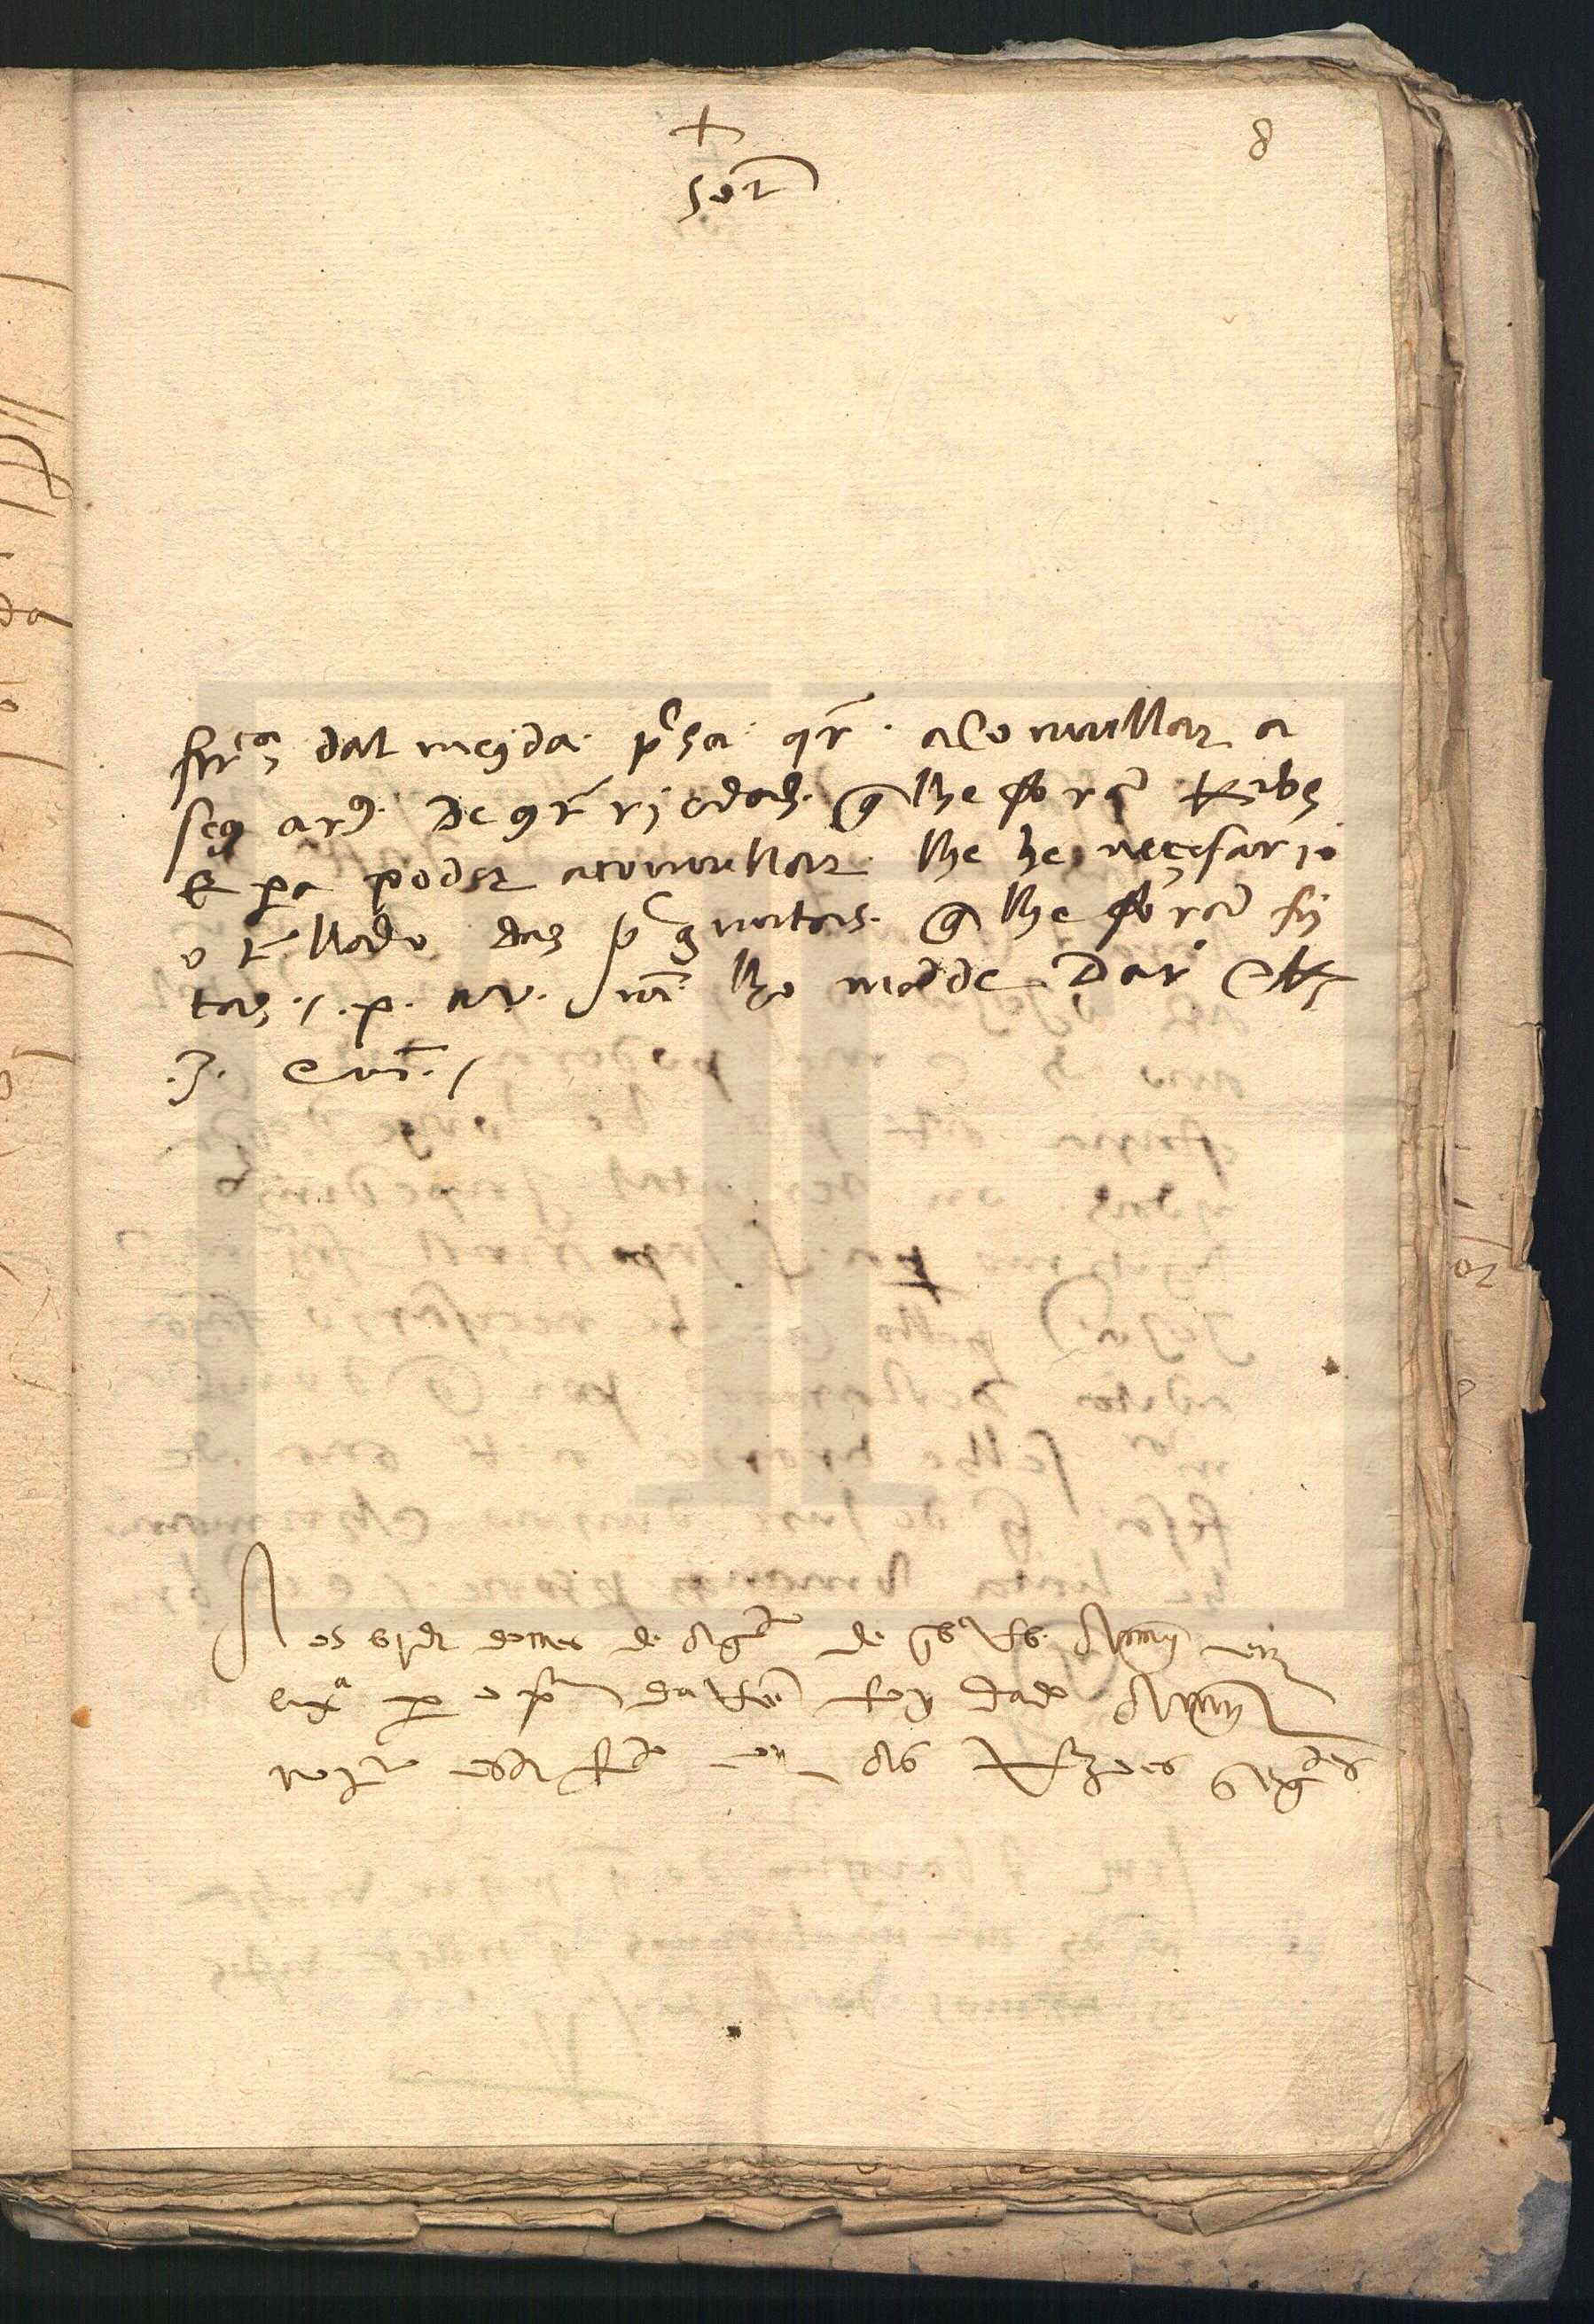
Sor̄
frrca dalmejda p̄sa qr̄ acomullar a
seꝯ arꝯ de ꝯt̄rjedad. q̄ lhe forā Rdos
E ꝑa poder acomullar lhe he necesario
o t̄llado das p̄guntas q̄ lhe forā fej
tas./ .p. a v. m̄ lho māde dar e Rꝭ
J. e m̄.
Aos bj di do mes de Agto de j̄bcRb Annꝯ em
lixa ꝑ o por da Ree foy dado A mȳ
notro este fto com As Rezoes segtes
